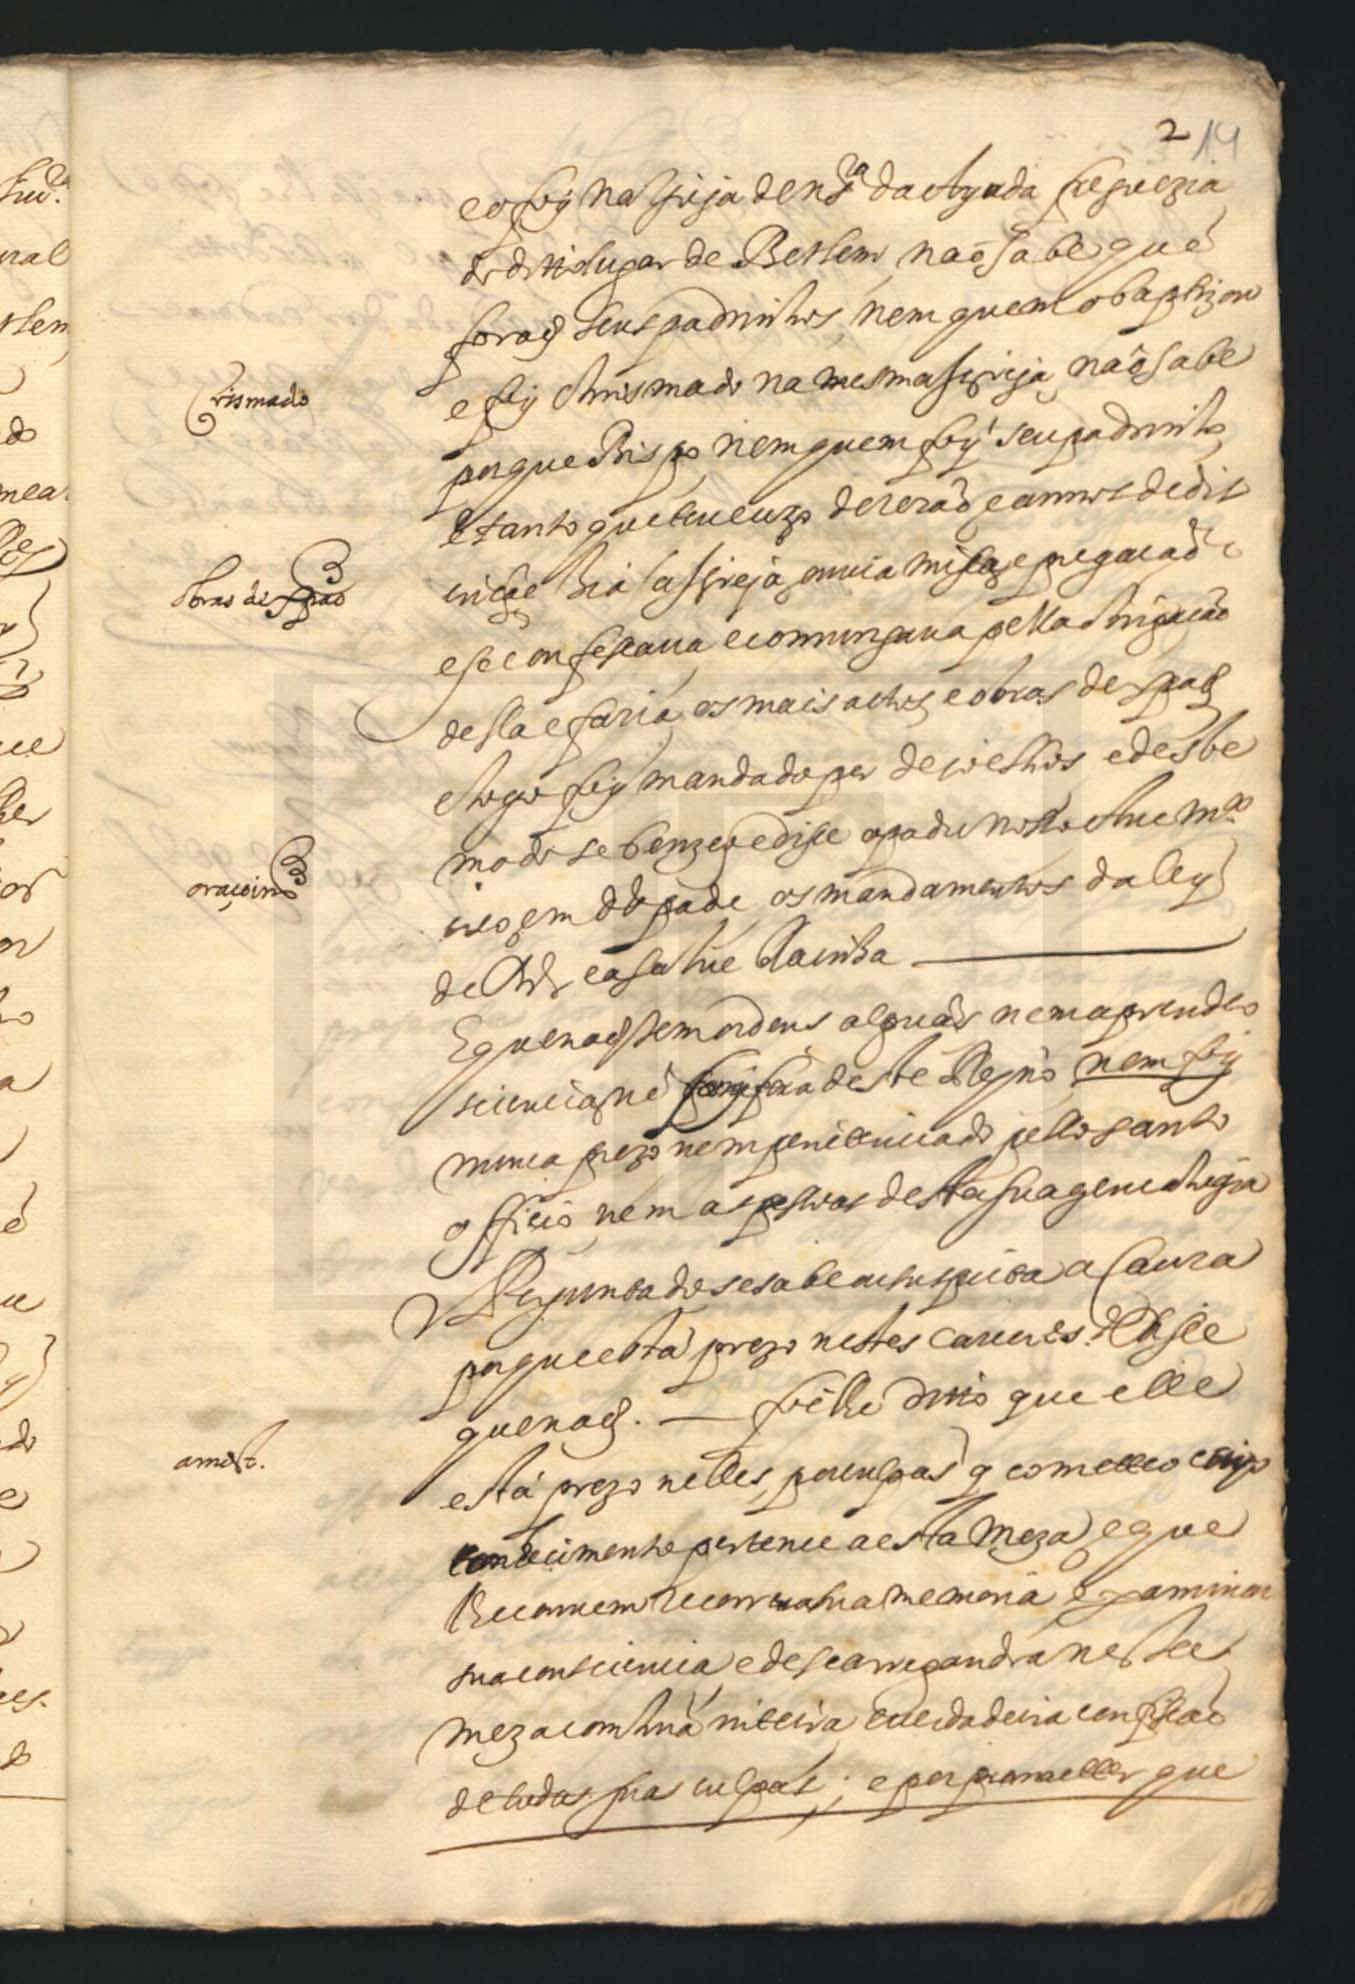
e o foy na Jgrija de ns.ra da Ayuda freguezia
do ditto lugar de Betlem, naõ sabe quē
foraõ seus padrinhos nem quem o baptizou
e foy chrismado na mesma Jgrija, naõ sabe
Crismado
por que Bispo, nem quem foy seu padrinho,
e tanto que teue uzo de rezaõ e annos de dis
crição hia a Jgreja ouuia missa e pregaçaõ e
obras de xpaõ
e se confessaua, e comungaua pella obrigaçaõ
della e fazia os mais actos e obras de xpaõ
e logo foy mandado por de joelhos e deste
modo se benzeo e disse o padre nosso Aue m.a
creo em ds pade os mandamentos da ley
oraçoins
de Ds e a Salue Rainha.
E que naõ tem ordens alguās nem aprendeo
sciencia nē foy fora deste Reyno nem foy
nunca prezo nem penètenciado pello santo
officio nem as pessoas desta sua genealogia
Perguntado se sabe ou suspeita a Cauza
por que està prezo nestes carceres e disse
que naõ. - foi lhe ditto que elle
amoest.
está prezo nelles, por culpas q̄ cometteo cujo
conhecimento pertence a esta meza, e que
lhe conuem recorrer a sua memoria examinou
sua consciencia, e descarregandra nesta
meza com huā inteira e uerdadeira confissaõ
de tudas suas culpas; e por prometter que
